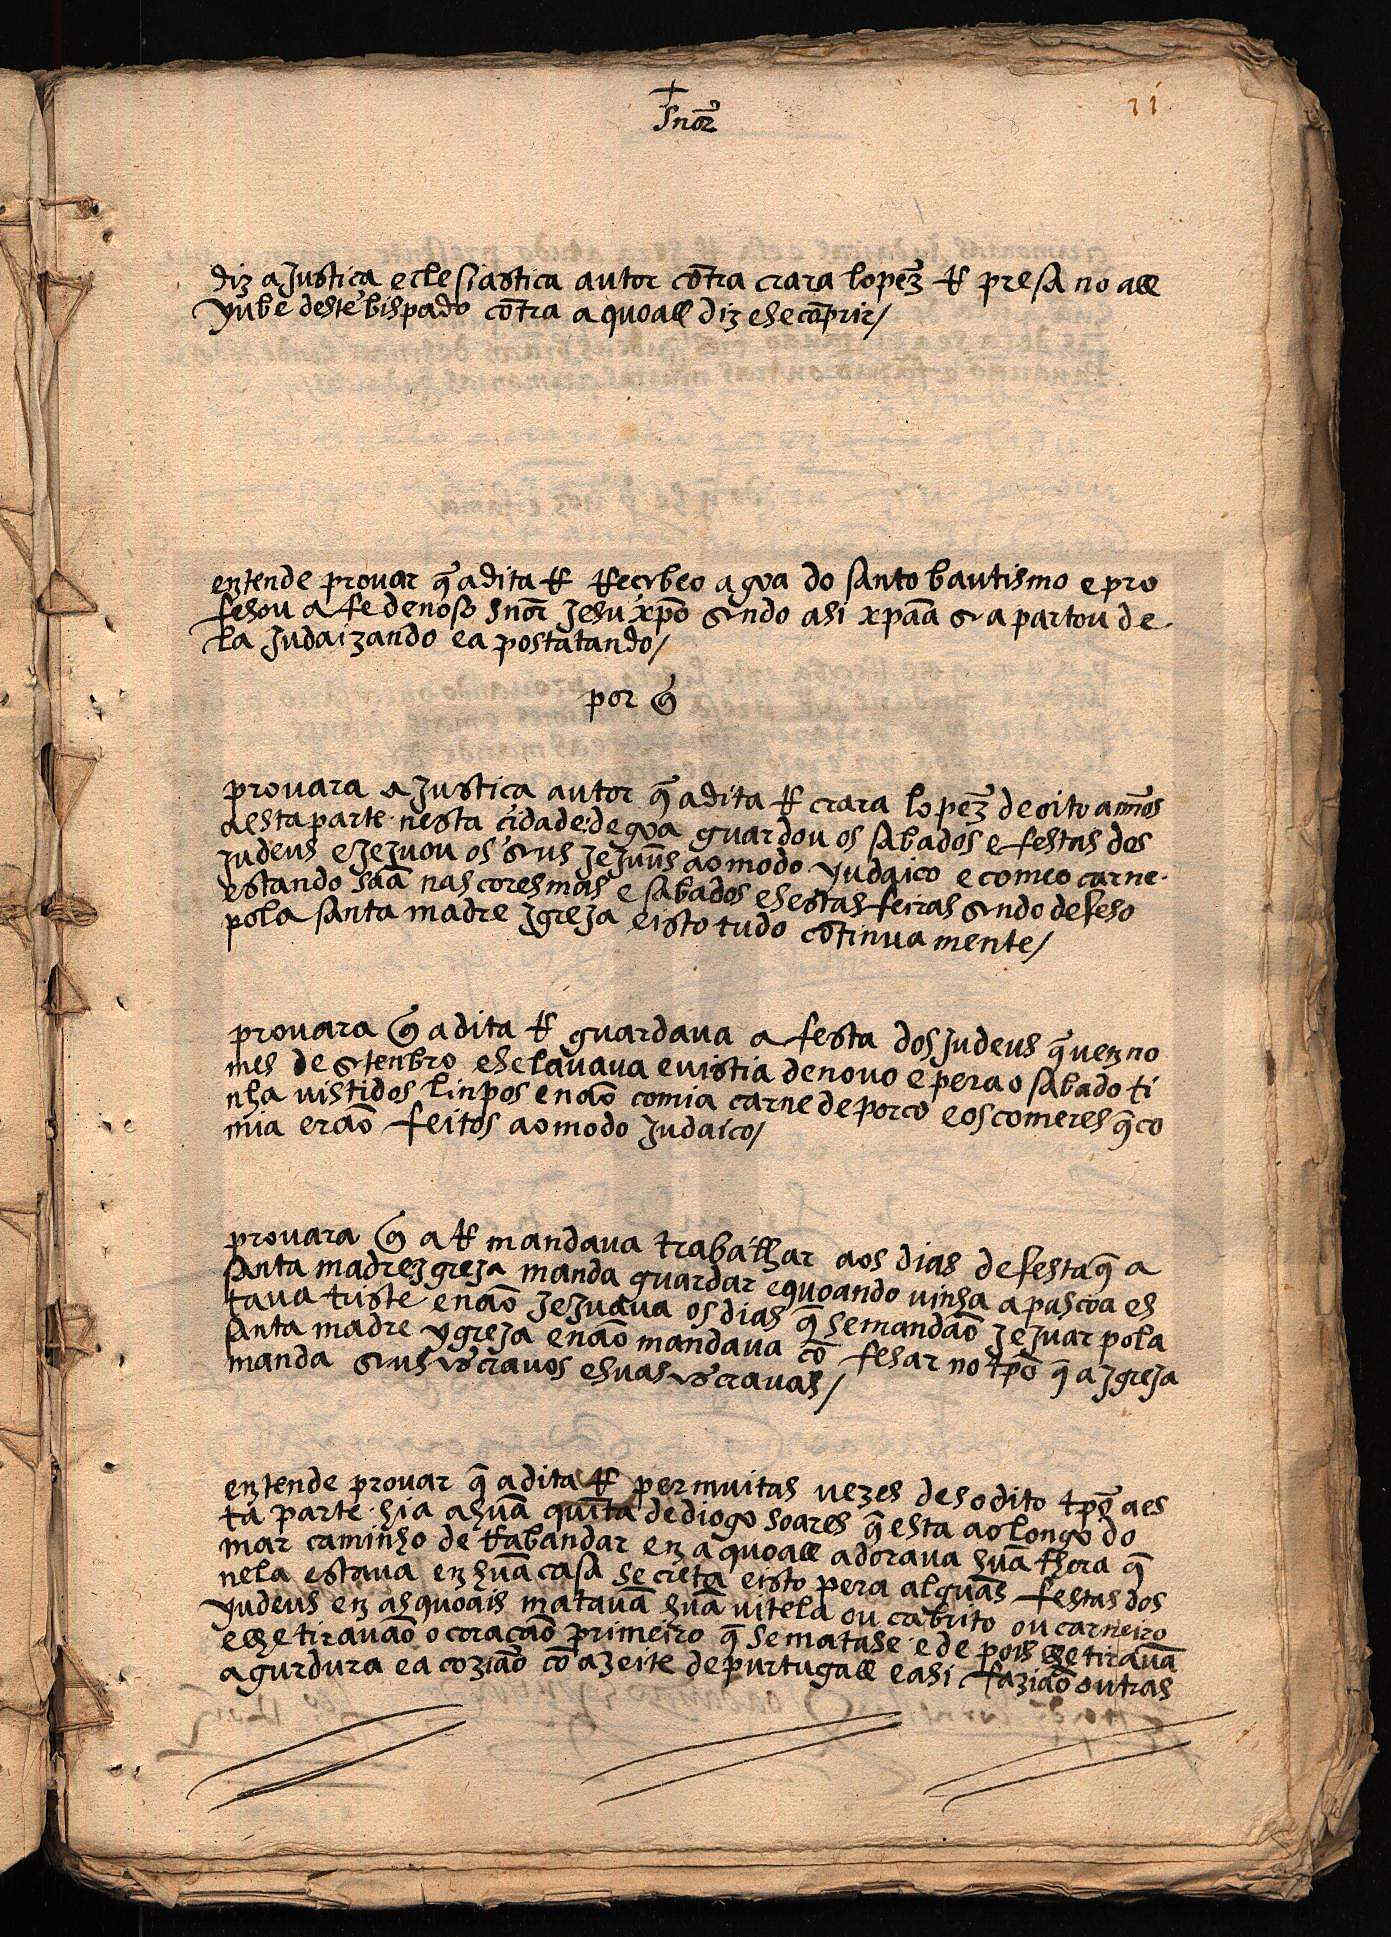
Snōr
diz a Justiça eclesiastica autor cōtra crara lopez̄ R presa no all
Yube deste bispado cōtra a quoall diz e se cōprir/
emtende prouar q̄ a dita R Reçebeo agoa do santo bautismo e pro
fesou a fe de noso Snōr Jesu xp̄o sendo asi xpāa se apartou de
la Judaizando e apostatando/
por q̄
prouara a Justiça autor q̄ a dita R crara lopez̄ de oito ann̄os
a esta parte nesta çidade: de goa guardou os sabados e festas dos
Judeus e JeJuou os seus JeJuūs ao modo Yudaico e comeo carne
estando saā nas coresmas e sabados e sestas feiras sendo defeso
pola santa madre JgreJa e isto tudo cōtinuamente/
prouara q̄ a dita R guardaua a festa dos Judeus q̄ uem no
mes de setenbro e se lauaua e uistia de nouo e pera o sabado ti
nha uistidos linpos e naõ comia carne de porco e os comeres q̄ co
mia eraõ feitos ao modo Judaico/
prouara q̄ a R mandaua trabalhar aos dias de festa q̄ a
santa madre JgreJa manda guardar e quoando uinha a pascoa es
taua triste e naõ JeJuaua os dias q̄ se mandão JeJuar pola
santa madre ygreJa e não mandaua cō fesar no tpō q̄ a JgreJa
manda seus escrauos e suas escrauas/
emtende prouar q̄ a dita R per muitas uezes des o dito tpō a es
ta parte : hia a huā quīta de diogo soares q̄ esta ao longo do
mar caminho de Rabandar em a quoall adoraua huā thora q̄
nela estaua em huā casa secreta e isto pera alguās festas dos
Yudeus em as quoais matauā huā uitela ou cabrito ou carneiro
e lhe tirauão o coração primeiro q̄ se matase e depois lhe tiraūa
a gurdura e a cozião cõ azeite de purtugall e asi faziaõ outras
